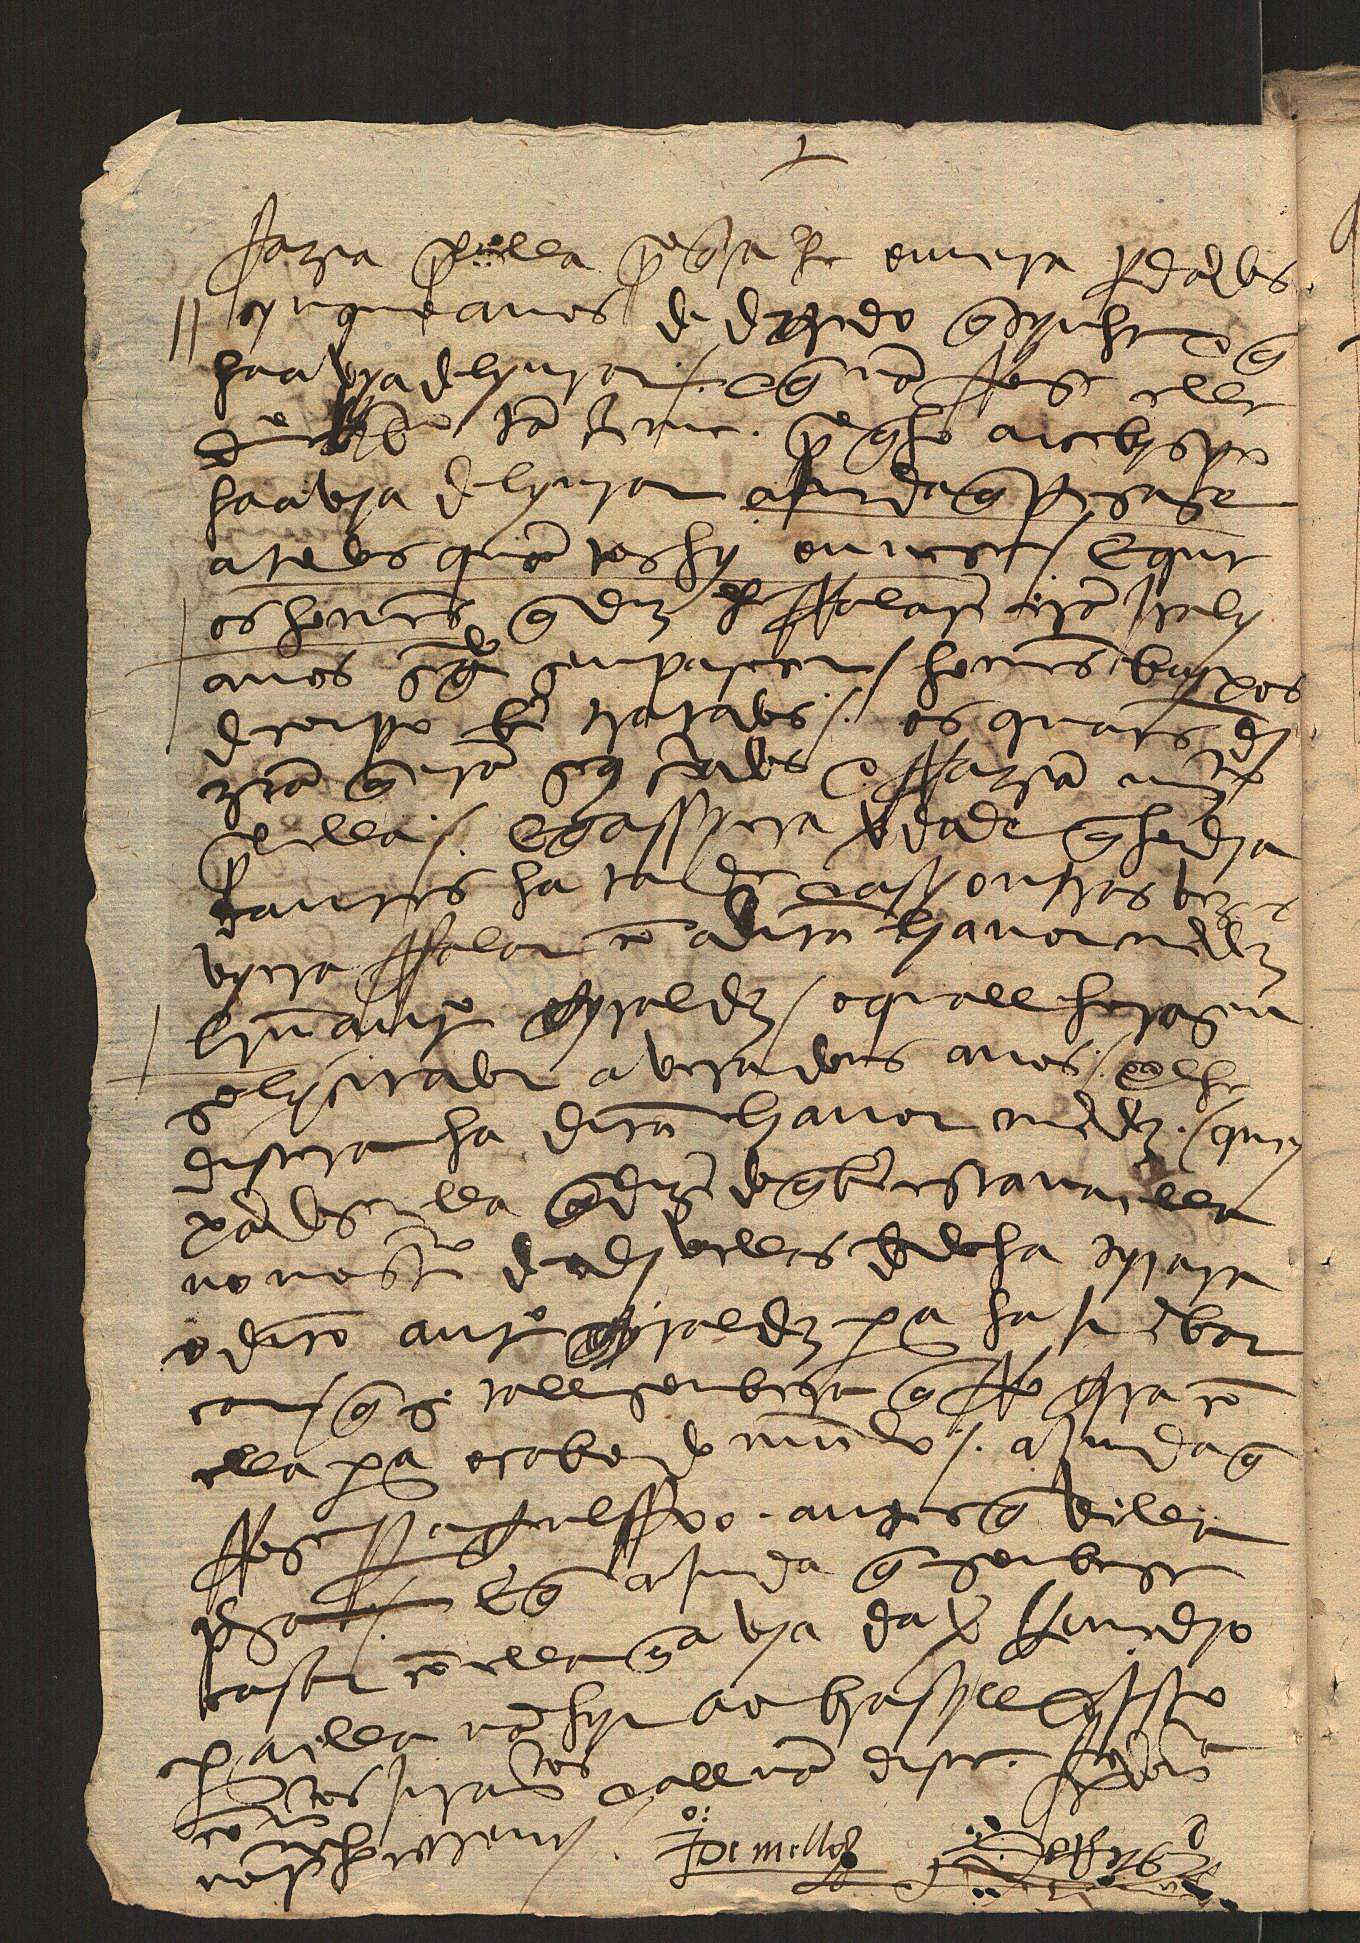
fazia p̄o ella p̄oq̄ ja lhe ouuera ꝑdā dos
cynquo anos de degredo q̄ tynha e q̄
ha avya de lyurar ./. e q̄ nā ffose elle
do Ribro tā c̄ime. p̄oq̄ ho arcebyspo
ha avya de lyurar aJnda q̄ pesase
a todos quātos hy ouuese /. E que
os homēs q̄ diz lhe ffalarē erā Jtaly
anos segdo seu pareser / homēs bajxos
de corpo bē tratados ./. os quaes dj
ziā q̄ erā seꝯ c̄iados e ffaziā mto
p̄o ella ./. E q̄ assy era ꝟdade q̄ ho dja
dantes ha tarde e asy outras vezes
vyra ffalar c̄o a dita ljanor mēdez
hū anto gyraldez / o quall hera seu
solycitador avera dous anos ./ e lhe
disera ha dita ljanor mēdez ./ quej
xādose ella e dizēdo q̄ bē estaua ela
no mostro de odjvellas dōde ha tyrara
o dito anto gyraldez ꝑa ha Jr ēbar
car / q̄ se tall soubera q̄ ffogjra c̄o
ella ꝑa o cabo do mūdo ./. aJnda q̄
ffose fagulffoo . antes q̄ vella
p̄sa ./. E q̄ aJnda q̄ soubese
casar c̄o ella q̄ avja daꝟ Remedjo
ꝑa ella nā hyr ao brasjll e Jsto
c̄o mtos Juramtos e all nā dise. frco domra
notro ho escreuy
Jo de mello
Do Rybro
